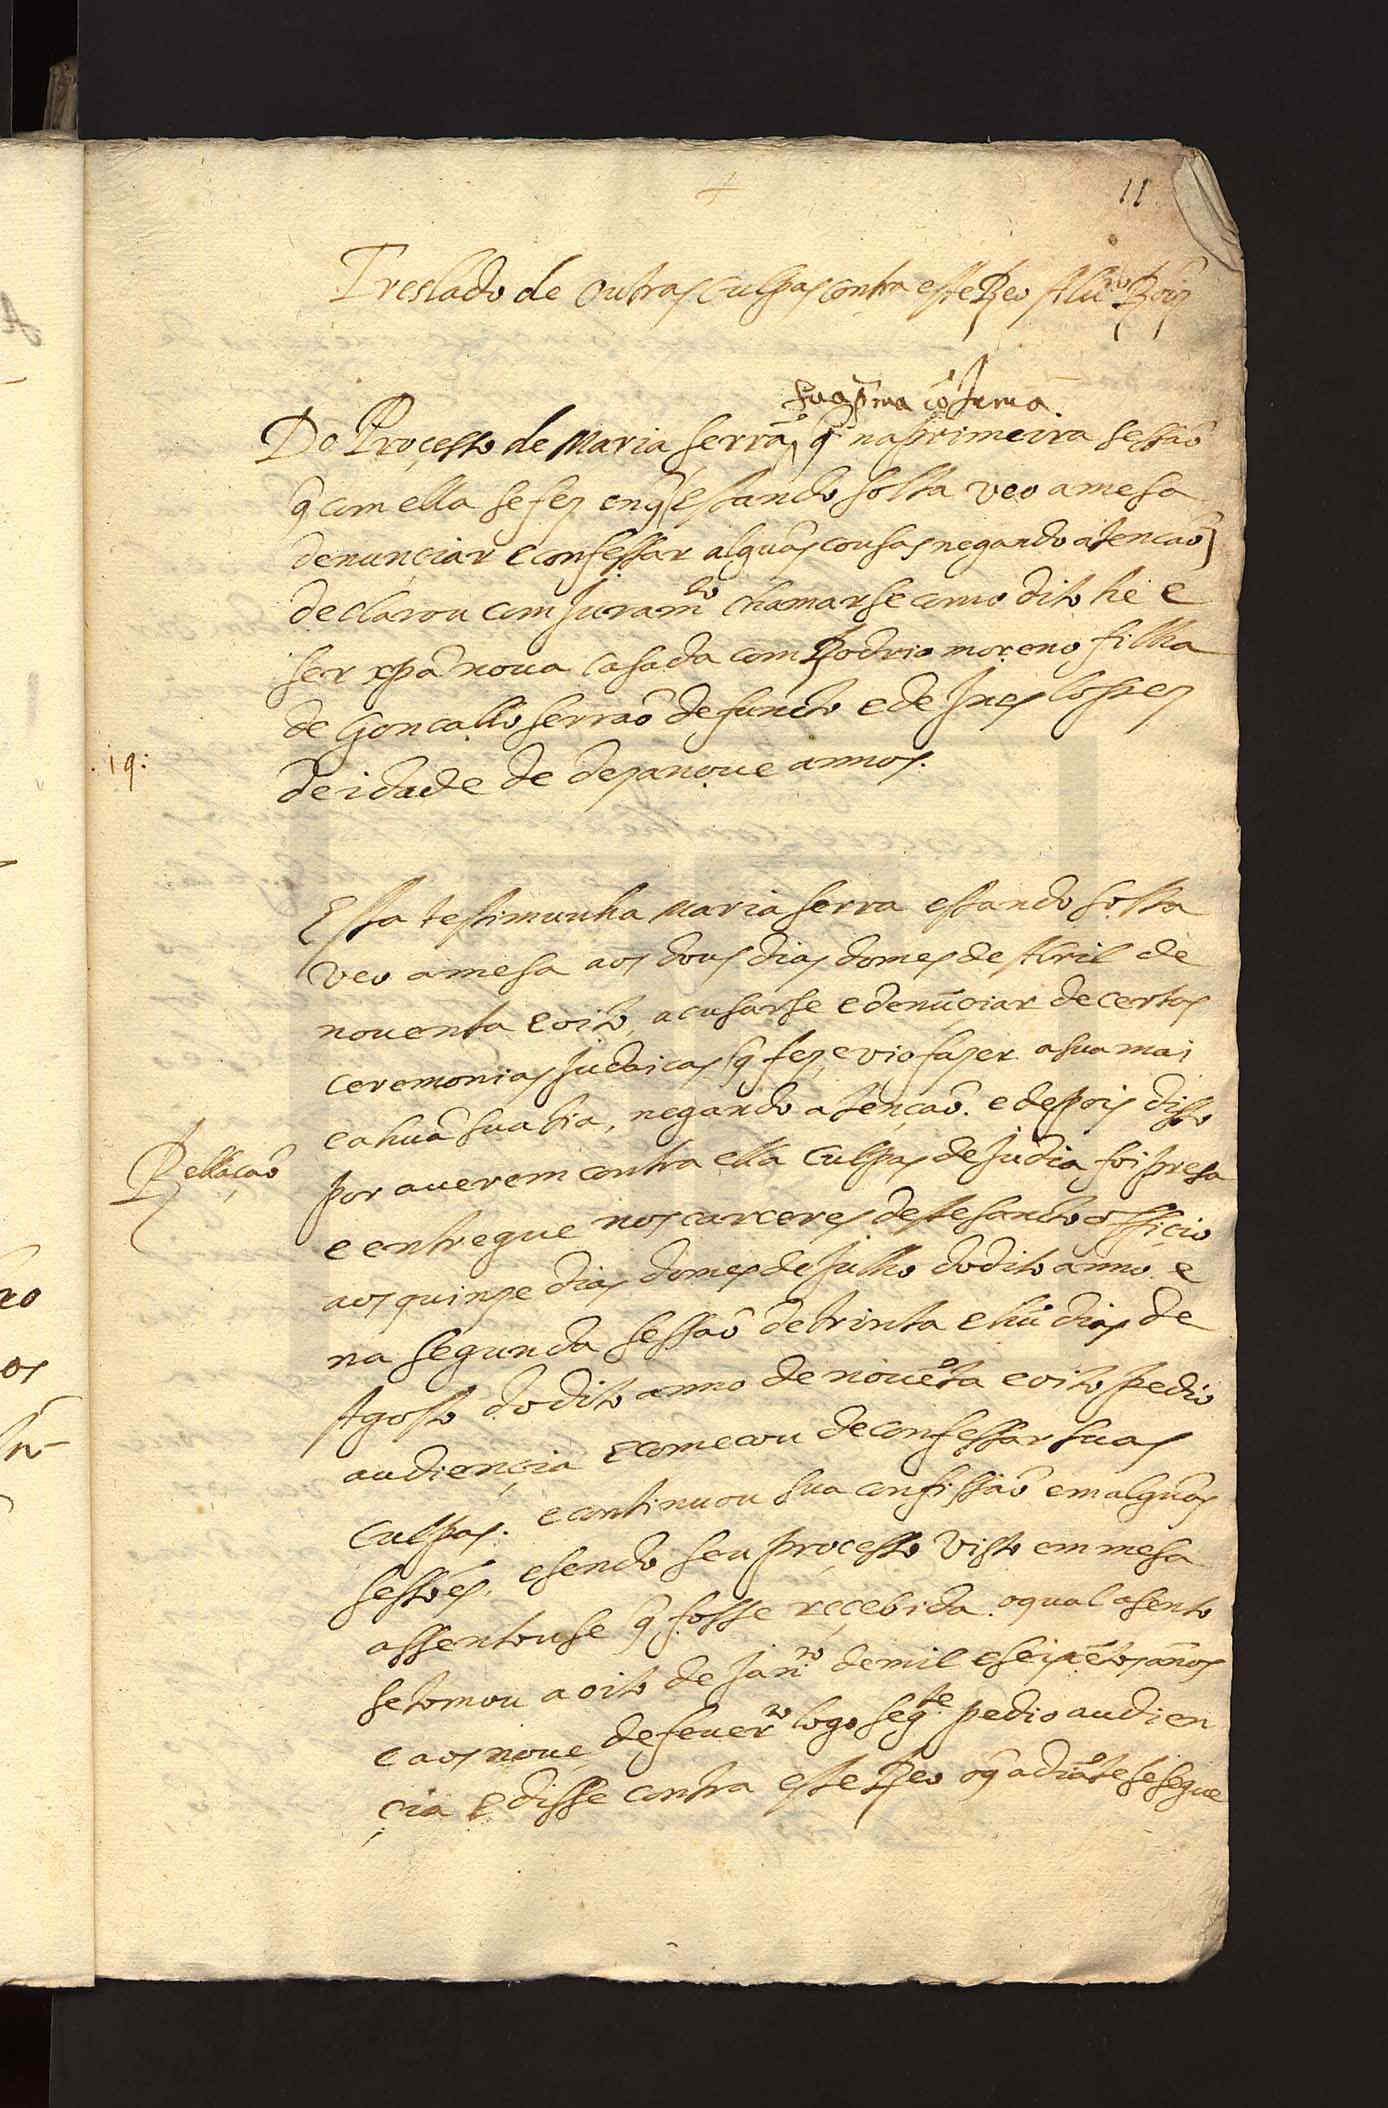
Treslado de outras culpas contra este Reo Alu.ro Roiz̄
sua p̄ma cō Jrmã.
Do Proçesso de Maria Serrã q̄ na primeira sessaõ
q̄ com ella se fez en q̄ Estando solta veo a mesa
denunçiar e confessar alguās cousas negando atencão
declarou com Juramto chamarse como dito he e
ser xpã noua casada com Rodrio moreno filha
de Goncallo Serraõ defuncto e de Jnes lopez
de idade de dezanoue annos.
Esta testimunha Maria Serra estando solta
veo a mesa aos dous dias do mes de Abril de
nouenta e oito, acusarse e denūciar de certas
ceremonias judaicas q̄ fez, e vio fazer a sua mai
e a huā sua tia, negando atençaõ e depois disso
por auerem contra ella culpas de Judia foi presa
e entregue nos carceres deste Sancto offiçio
aos quinze dias do mes de Julho do dito anno e
na segunda sessaõ de trinta e hū dias de
Agosto do dito anno de nouēta e oito pedio
audiençia e comecou de confessar suas
culpas. e continuou sua confissaõ em algūas
sessões, e sendo seu proçesso visto em mesa
assentouse q̄ fosse reçebida o qual asento
se tomou a oito de Jan.ro de mil e seiscētos an̄os
e aos noue de feuerro logo seg.te pedio audien
çia E disse contra este Reo o q̄ adiāte se segue
